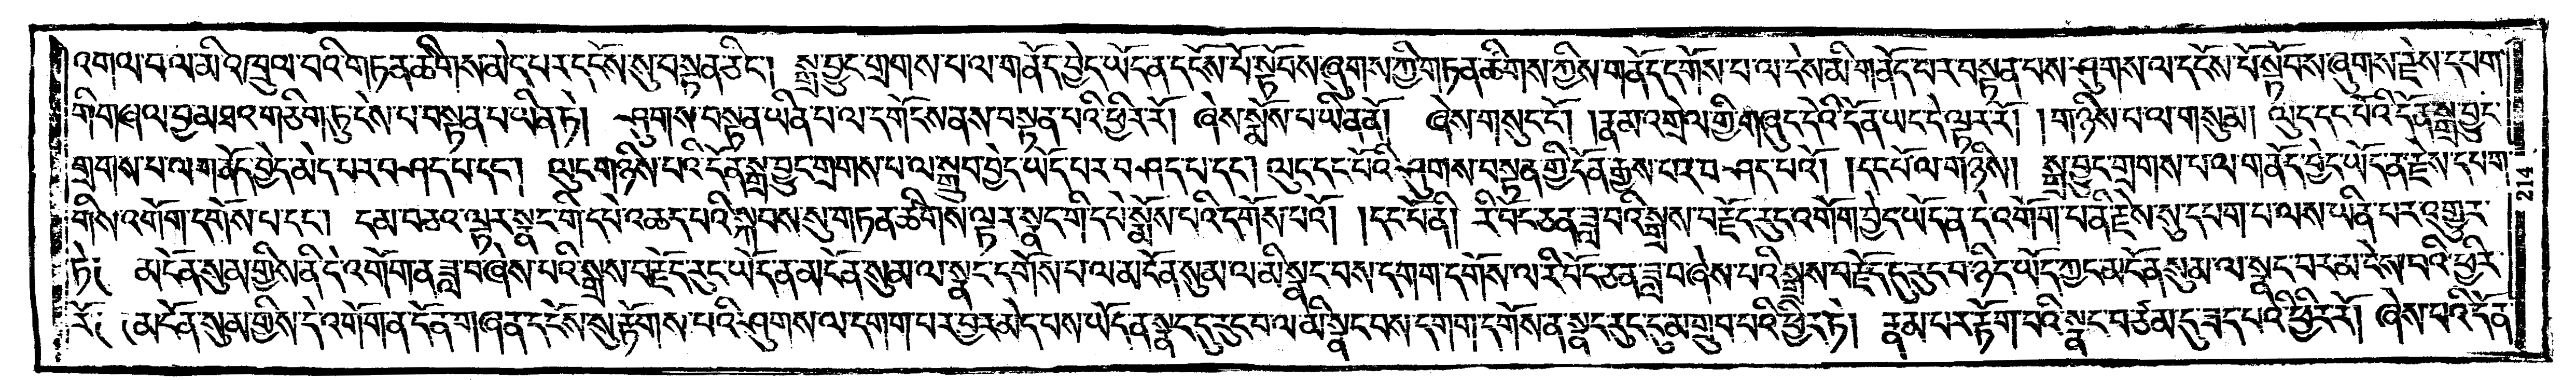འགལ་བ་ལ་མི་འཁྲུལ་པའི་གཏན་ཚིགས་མེད་པར་དངོས་སུ་བསྟན་ཅིང་། སྒྲ་བྱུང་གྲགས་པ་ལ་གནོད་བྱེད་ཡོད་ན་དངོས་པོ་སྟོབས་ཞུགས་ཀྱི་གཏན་ཚིགས་ཀྱིས་གནོད་དགོས་པ་ལ་དེས་མི་གནོད་པར་བསྟན་པས་ཤུགས་ལ་དངོས་པོ་སྟོབས་ཞུགས་རྗེས་དཔག་
གི་གཞལ་བྱ་མཐའ་གཅིག་ཏུ་ངེས་པ་བསྟན་པ་ཡིན་ཏེ། ཤུགས་བསྟན་ཡིན་པ་ལ་དགོངས་ནས་བསྟན་པའི་ཕྱིར་རོ། ཞེས་སྨོས་པ་ཡིན་ནོ། ཞེས་གསུང་ངོ། །རྣམ་འགྲེལ་གྱི་གཞུང་དེའི་དོན་ཡང་དེ་ལྟར་རོ། །གཉིས་པ་ལ་གསུམ། ལུང་དང་པོའི་དོན་སྒྲ་བྱུང་
གྲགས་པ་ལ་གནོད་བྱེད་མེད་པར་བཤད་པ་དང་། ལུང་གཉིས་པའི་དོན་སྒྲ་བྱུང་གྲགས་པ་ལ་སྒྲུབ་བྱེད་ཡོད་པར་བཤད་པ་དང་། ལུང་དང་པོའི་ཤུགས་བསྟན་གྱི་དོ་རྒྱས་པར་བཤད་པའོ། །དང་པོ་ལ་གཉིས། སྒྲ་བྱུང་གྲགས་པ་ལ་གནོད་བྱེད་ཡོད་ན་རྗེས་དཔག་
གིས་འགོག་དགོས་པ་དང་། དམ་བཅའ་ལྟར་སྣང་གི་དཔེ་འཆད་པའི་སྐབས་སུ་གཏན་ཚིགས་ལྟར་སྣང་གི་དཔེ་སྨོས་པའི་དགོས་པའོ། །དང་པོ་ནི། རི་བོང་ཅན་ཟླ་བའི་སྒྲས་བརྗོད་རུང་འགོག་བྱེད་ཡོད་ན་དེ་འགོག་པ་ནི་རྗེས་སུ་དཔག་པ་ལས་ཡིན་པར་འགྱུར་
ཏེ༑ མངོན་སུམ་གྱིས་ནི་དེ་འགོག་ན་ཟླ་བ་ཞེས་པའི་སྒྲས་བརྗོད་རུང་ཡོད་ན་མངོན་སུམ་ལ་སྣང་དགོས་པ་ལ་མངོན་སུམ་ལ་མི་སྣང་བས་དགག་དགོས་པ་རི་བོང་ཅན་ཟླ་བ་ཞེས་པའི་སྒྲས་བརྗོད་དུ་རུང་བ་ཉིད་ཡོད་ཀྱང་མངོན་སུམ་ལ་སྣང་བར་མ་ངེས་པའི་ཕྱིར་
རོ༑ ༑མངོན་སུམ་གྱིས་དེ་འགོག་ན་དོན་གཞན་དངོས་སུ་རྟོགས་པའི་ཤུགས་ལ་དགག་པར་བྱར་མེད་པས་ཡོད་ན་སྣང་དུ་རུང་བ་ལ་མི་སྣང་བས་དགག་དགོས་ན་སྣང་རུང་དུ་མ་གྲུབ་པའི་ཕྱིར་ཏེ། རྣམ་པར་རྟོག་པའི་སྣང་བ་ཙམ་དུ་ཟད་པའི་ཕྱིར་རོ། ཞེས་པའི་དོན་